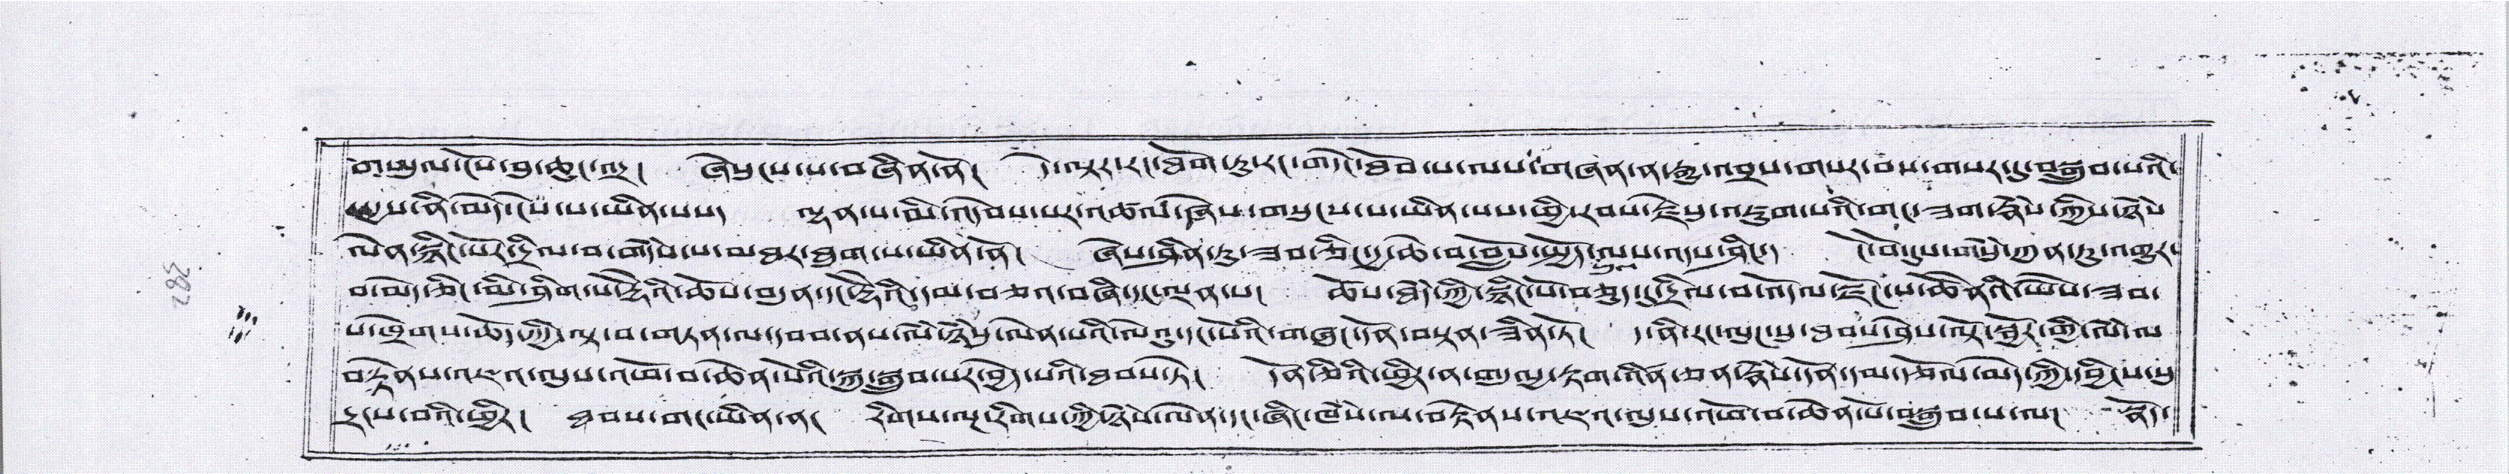གཡུལ་ངོའི་བུ་ཆུང་འདྲ། ཞེས་གསུངས་པ་ཡིན་བཞིན་ནོ། དེ་ལྟར་རང་ཐོག་ཏུ་རང་གདེང་ཐོབ་པ་ལས་གཞན་ན་རྒྱུ་འབྲས་གསར་པས་གསར་དུ་བསྒྲུབ་པའི་
སངས་རྒྱས་ནི་མེད་ངེས་པ་ཡིན་པས། ལྷན་པ་མི་འདེབས་པར་འཚལ་ཞེས་གསུངས་པ་ཡིན་པས་ཕྱི་རབས་རྗེས་སུ་འཇུག་པའི་གང་ཟག་རྣམས་ཀྱིས་ཉམས་
ལེན་སྙིང་པོར་དྲིལ་བ་གདམས་པ་མཐར་ཐུག་པ་ཡིན་ནོ། ཞེས་ཤིན་ཏུ་ཟབ་ཅིང་རྒྱ་ཆེ་བ་བློས་སྤྱོད་ཡུལ་ལས་འདས་ཤིང་། ངོ་བོ་དུས་གསུམ་ཀུན་ཏུ་འགྱུར་
བ་མེད་ཅིང་མི་ཤིག་རྡོ་རྗེའི་ཆོས་བདུན་དང་རྡོ་རྗེའི་དམ་བཅའ་བཞི་དང་ལྡན་པ། ཆོས་ཐམས་ཅད་ཀྱི་སྙིང་པོ་བཅུད་དུ་དྲིལ་བ་འོད་གསལ་རྫོགས་པ་ཆེན་པོའི་ཡེ་ཤེས་ཟབ་
པ་ཁྲེག་ཆོད་ཀྱི་ལྟ་བ་གཏན་ལ་དབབ་ནས་ལམ་ཉམས་སུ་ལེན་པའི་ལེའུ་དང་པོའི་གཞུང་དོན་བསྟན་ཟིན་ཏོ། །ད་ནི་རང་ལུགས་སུ་ཐབས་ཤེས་ལྟོ་སྦྱོར་གྱི་ལམ་ལ་
བརྟེན་ནས་འཇའ་ལུས་འཕོ་བ་ཆེན་པོའི་སྐུ་བསྒྲུབ་པར་བྱེད་པའི་ཐབས་ཏེ། དོན་ཅིའི་ཕྱིར་ན་གདུལ་བྱ་རྟག་འཛིན་ཅན་རྣམས་དོན་དམ་རྩོལ་མེད་ཀྱི་དབྱིངས་སུ་
དྲང་བའི་ཕྱིར། ཐབས་གང་ཡིན་ན། རིགས་ལྔ་རིགས་ཀྱི་ཉམས་ལེན་དང་ཞིང་ཁམས་ལ་བརྟེན་ནས་འཇའ་ལུས་འཕོ་བ་ཆེན་པོ་བསྒྲུབ་པ་ལ། སྣོད་